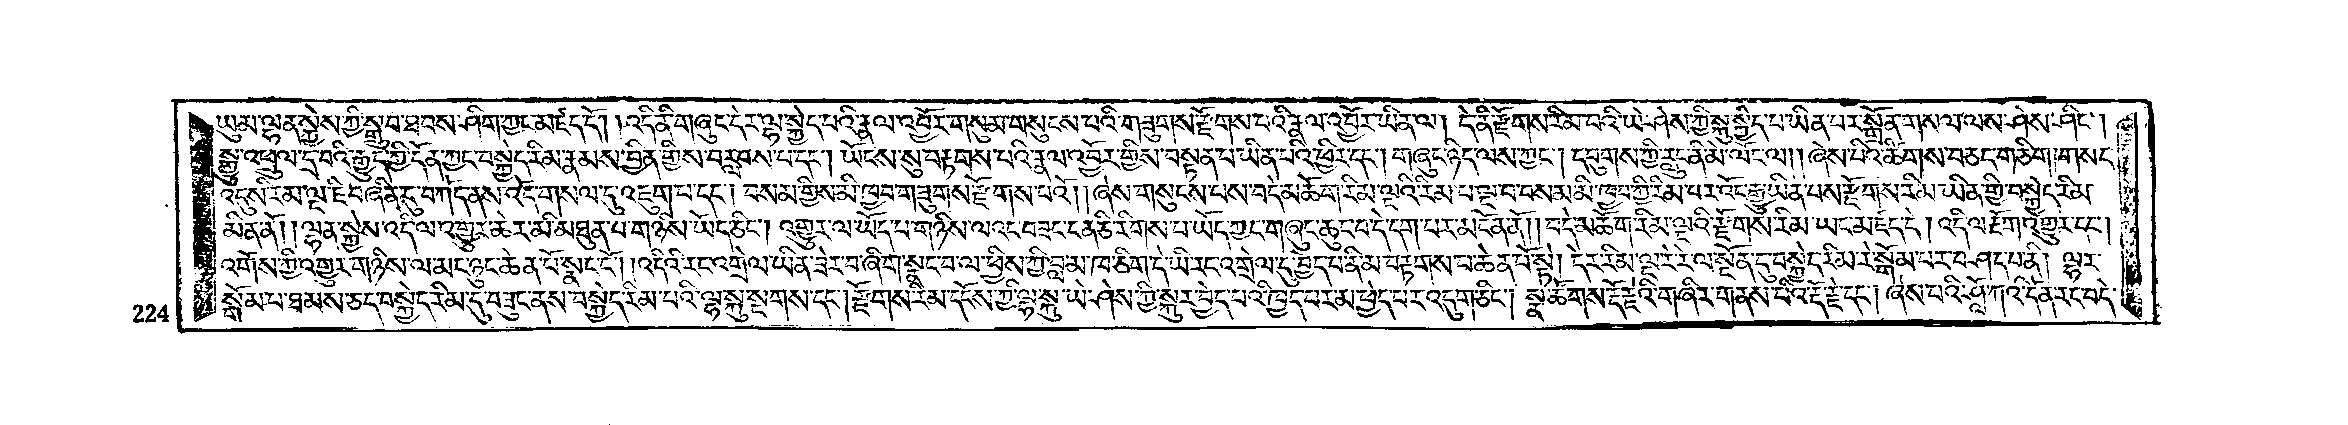ཡུམ་ལྷན་སྐྱེས་ཀྱི་སྒྲུབ་ཐབས་ཤིག་ཀྱང་མཛད་དོ། །འདི་ནི་གཞུང་དེར་ལྷ་སྐྱེད་པའི་རྣལ་འབྱོར་གསུམ་གསུངས་པའི་གཟུགས་རྫོགས་པའི་རྣལ་འབྱོར་ཡིན་ལ། དེ་ནི་རྫོགས་རིམ་པའི་ཡེ་ཤེས་ཀྱི་སྐུ་སྐྱེད་པ་ཡིན་པར་སྒྲོན་གསལ་ལས་ཤེས་ཤིང་།
སྒྱུ་འཕྲུལ་དྲ་བའི་རྒྱུད་ཀྱི་དོན་ཀྱང་བསྐྱེད་རིམ་རྣམས་བྱིན་གྱིས་བརླབས་པ་དང་། ཡོངས་སུ་བརྟགས་པའི་རྣལ་འབྱོར་གྱིས་བསྟན་པ་ཡིན་པའི་ཕྱིར་དང་། གཞུང་ཉིད་ལས་ཀྱང་། དབུགས་ཀྱི་རླུང་ནི་མེ་ལོང་ལ། །ཞེས་པའི་ཚིགས་བཅད་གཅིག །གསང་
འདུས་རིམ་ལྔ་ཇི་བཞིན་དུ་བཀོད་ནས་འོད་གསལ་དུ་འཇུག་པ་དང་། བསམ་གྱིས་མི་ཁྱབ་གཟུགས་རྫོགས་པའོ། །ཞེས་གསུངས་པས་བདེ་མཆོག་རིམ་ལྔའི་རིམ་པ་ལྔ་པ་བསམ་མི་ཁྱབ་ཀྱི་རིམ་པར་འོང་རྒྱུ་ཡིན་པས་རྫོགས་རིམ་ཡིན་གྱི་བསྐྱེད་རིམ་
མིན་ནོ། །ལྷན་སྐྱེས་འདི་ལ་འགྱུར་ཆེར་མི་མཐུན་པ་གཉིས་ཡོད་ཅིང་། འགྱུར་ལ་ཡོད་པ་གཉིས་ལའང་བཟང་ངན་ཅི་རིགས་པ་ཡོད་ཀྱང་གཞུང་ཆུང་བ་དེ་དག་པར་མངོན་ནོ། །བདེ་མཆོག་རིམ་ལྔའི་རྫོགས་རིམ་ཡང་མཛད་དེ། འདི་ལ་རྔོག་འགྱུར་དང་།
འགོས་ཀྱི་འགྱུར་གཉིས་ལ་མང་ཉུང་ཆེན་པོ་སྣང་ངོ། །འདིའི་རང་འགྲེལ་ཡིན་ཟེར་བ་ཞིག་སྣང་བ་ལ་ཕྱིས་ཀྱི་བླ་མ་ཁ་ཅིག་དེ་ཡི་རང་འགྲེལ་དུ་བྱེད་པ་ནི་མ་བརྟགས་པ་ཆེན་པོ་སྟེ། དེར་རིམ་ལྔ་རེ་རེ་ལ་སྔོན་དུ་བསྐྱེད་རིམ་རེ་སྒོམ་པར་བཤད་པ་ནི། ལྷར་
སྒོམ་པ་ཐམས་ཅད་བསྐྱེད་རིམ་དུ་བཟུང་ནས་བསྐྱེད་རིམ་པའི་ལྷ་སྐུ་སྔགས་དང་། རྫོགས་རིམ་དངོས་ཀྱི་ལྷ་སྐུ་ཡེ་ཤེས་ཀྱི་སྐུར་བྱེད་པའི་ཁྱད་པར་མ་ཕྱེད་པར་འདུག་ཅིང་། སྣ་ཚོགས་རྡོ་རྗེའི་གཞིར་གནས་པའི་རྡོ་རྗེ་དང་། ཞེས་པའི་ཤློ་ཀའི་དོན་རང་བདེ་